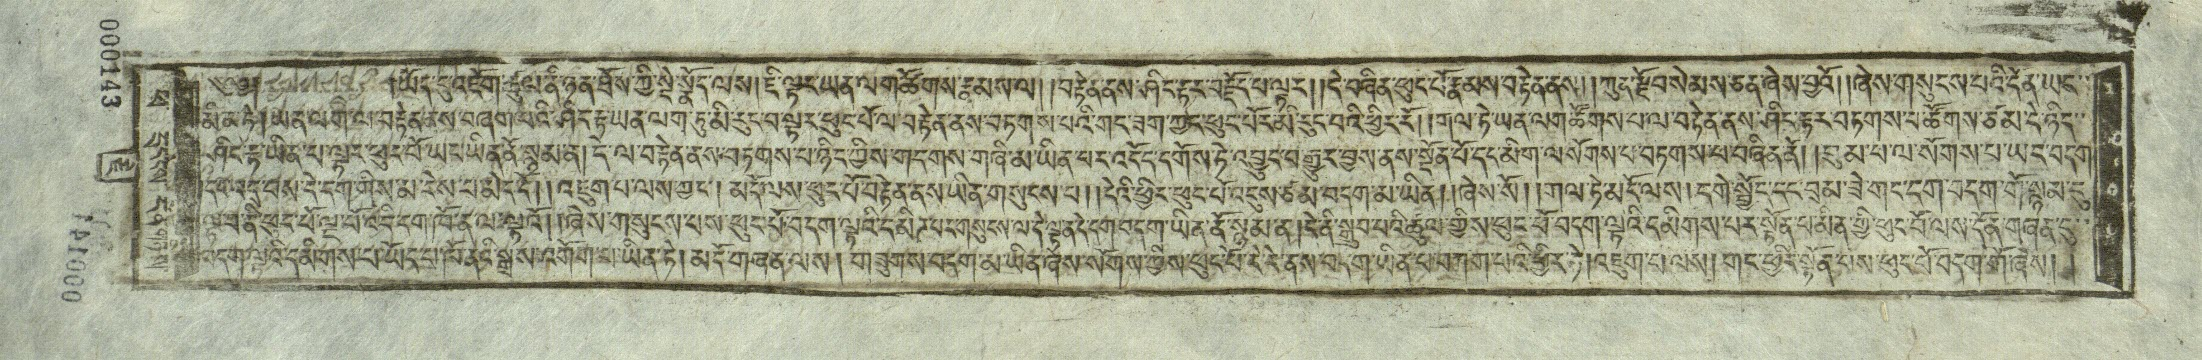༄༅། །ཡོད་དུ་འཇོག་ཚུལ་ནི་ཉན་ཐོས་ཀྱི་སྡེ་སྣོད་ལས། ཇི་ལྟར་ཡན་ལག་ཚོགས་རྣམས་ལ། །བརྟེན་ནས་ཤིང་རྟར་བརྗོད་པ་ལྟར། །དེ་བཞིན་ཕུང་པོ་རྣམས་བརྟེན་ནས། །ཀུན་རྫོབ་སེམས་ཅན་ཞེས་བྱའོ། །ཞེས་གསུངས་པའི་དོན་ཡང་
མིན་ཏེ། ཡན་ལག་ལ་བརྟེན་ནས་བཞག་པའི་ཤིང་རྟ་ཡན་ལག་ཏུ་མི་རུང་བ་ལྟར་ཕུང་པོ་ལ་བརྟེན་ནས་བཏགས་པའི་གང་ཟག་ཀྱང་ཕུང་པོར་མི་རུང་བའི་ཕྱིར་རོ། །གལ་ཏེ་ཡན་ལག་ཚོགས་པ་ལ་བརྟེན་ནས་ཤིང་རྟར་བཏགས་པ་ཚོགས་ཙམ་དེ་ཉིད་
ཤིང་རྟ་ཡིན་པ་ལྟར་ཕུང་པོ་ཡང་ཡིན་ནོ་སྙམ་ན། དེ་ལ་བརྟེན་ནས་བཏགས་པ་ཉིད་ཀྱིས་གདགས་གཞི་མ་ཡིན་པར་འདོད་དགོས་ཏེ་འབྱུང་བ་རྒྱུར་བྱས་ནས་སྔོན་པོ་དང་མིག་ལ་སོགས་པ་བཏགས་པ་བཞིན་ནོ། །བུམ་པ་ལ་སོགས་པ་ཡང་བདག་
དང་འདྲ་བས་དེ་དག་གིས་མ་ངེས་པ་མེད་དོ། །འཇུག་པ་ལས་ཀྱང་། མདོ་ལས་ཕུང་པོ་བརྟེན་ནས་ཡིན་གསུངས་པ། །དེའི་ཕྱིར་ཕུང་པོ་འདུས་ཙམ་བདག་མ་ཡིན། །ཞེས་སོ། །གལ་ཏེ་མདོ་ལས། དགེ་སྦྱོང་དང་བྲམ་ཟེ་གང་དག་བདག་གོ་སྙམ་དུ་
ལྟ་བ་ནི་ཕུང་པོ་ལྔ་པོ་འདི་དག་ཁོ་ན་ལ་ལྟའོ། །ཞེས་གསུངས་པས་ཕུང་པོ་བདག་ལྟའི་དམིགས་པར་གསུངས་ལ་དེ་ལྟ་ན་དེ་དག་བདག་ཡིན་ནོ་སྙམ་ན། དེ་ནི་སྒྲུབ་པའི་ཚུལ་གྱིས་ཕུང་པོ་བདག་ལྟའི་དམིགས་པར་སྟོན་པ་མིན་གྱི་ཕུང་པོ་ལས་དོན་གཞན་དུ་
བདག་ལྟའི་དམིགས་པ་ཡོད་པ་ཁོ་ནའི་སྒྲས་འགོག་པ་ཡིན་ཏེ། མདོ་གཞན་ལས། གཟུགས་བདག་མ་ཡིན་ཞེས་སོགས་ཀྱིས་ཕུང་པོ་རེ་རེ་ནས་བདག་ཡིན་པ་བཀག་པའི་ཕྱིར་ཏེ། འཇུག་པ་ལས། གང་ཕྱིར་སྟོན་པས་ཕུང་པོ་བདག་གོ་ཞེས། །